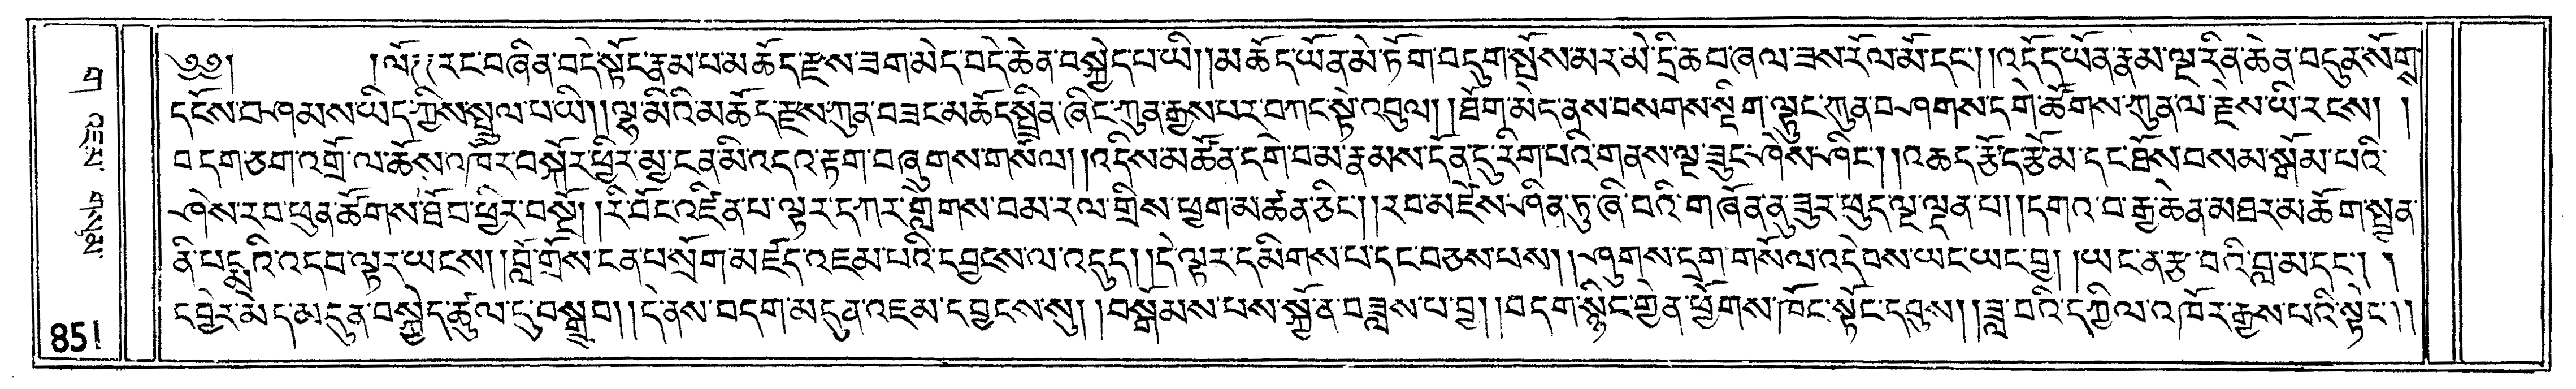༄༅། །ལོ། །རང་བཞིན་བདེ་སྟོང་རྣམ་པ་མཆོད་རྫས་ཟག་མེད་བདེ་ཆེན་བསྐྱེད་པ་ཡི། །མཆོད་ཡོན་མེ་ཏོག་བདུག་སྤོས་མར་མེ་དྲི་ཆབ་ཞལ་ཟས་རོལ་མོ་དང་། །འདོད་ཡོན་རྣམ་ལྔ་རིན་ཆེན་བདུན་སོགས་
དངོས་བཤམས་ཡིད་ཀྱིས་སྤྲུལ་པ་ཡི། །ལྷ་མིའི་མཆོད་རྫས་ཀུན་བཟང་མཆོད་སྤྲིན་ཞིང་ཀུན་རྒྱས་པར་བཀང་སྟེ་འབུལ། །ཐོག་མེད་ནས་བསགས་སྡིག་ལྟུང་ཀུན་བཤགས་དགེ་ཚོགས་ཀུན་ལ་རྗེས་ཡི་རངས།།
བདག་ཅག་འགྲོ་ལ་ཆོས་འཁོར་བསྐོར་ཕྱིར་མྱ་ངན་མི་འདའ་རྟག་བཞུགས་གསོལ། །འདིས་མཚོན་དགེ་བ་མ་རྣམས་དོན་དུ་རིག་པའི་གནས་ལྔ་ཟུང་ཤེས་ཤིང་། །འཆད་རྩོད་རྩོམ་དང་ཐོས་བསམ་སྒོམ་པའི་
ཤེས་རབ་ཕུན་ཚོགས་ཐོབ་ཕྱིར་བསྔོ། །རི་བོང་འཛིན་པ་ལྟར་དཀར་གླེགས་བམ་རལ་གྲིས་ཕྱག་མཚན་ཅིང་། །རབ་མཛེས་ཤིན་ཏུ་ཞི་བའི་གཞོན་ནུ་ཟུར་ཕུད་ལྔ་ལྡན་པ། །དགའ་བ་རྒྱ་ཆེན་མཐར་མཆོག་སྤྱན་
ནི་པདམའི་འདབ་ལྟར་ཡངས། །བློ་གྲོས་ངན་པ་སྲོག་མཛད་འཇམ་པའི་དབྱངས་ལ་འདུད། །དེ་ལྟར་དམིགས་པ་དང་བཅས་པས། །ཤུགས་དྲག་གསོལ་འདེབས་ཡང་ཡང་བྱ། །ཡང་ན་རྩ་བའི་བླ་མ་དང་། །
དབྱེར་མེད་མདུན་བསྐྱེད་ཚུལ་དུ་བསྒྲུབ། །དེ་ནས་བདག་མདུན་འཇམ་དབྱངས་སུ། །བསྒོམས་པས་སྐྱོ་ན་བཟླས་པ་བྱ། །བདག་སྙིང་གྱེན་ཕྱོགས་ཁོང་སྟོང་དབུས། །ཟླ་བའི་དཀྱིལ་འཁོར་རྒྱས་པའི་སྟེང།།